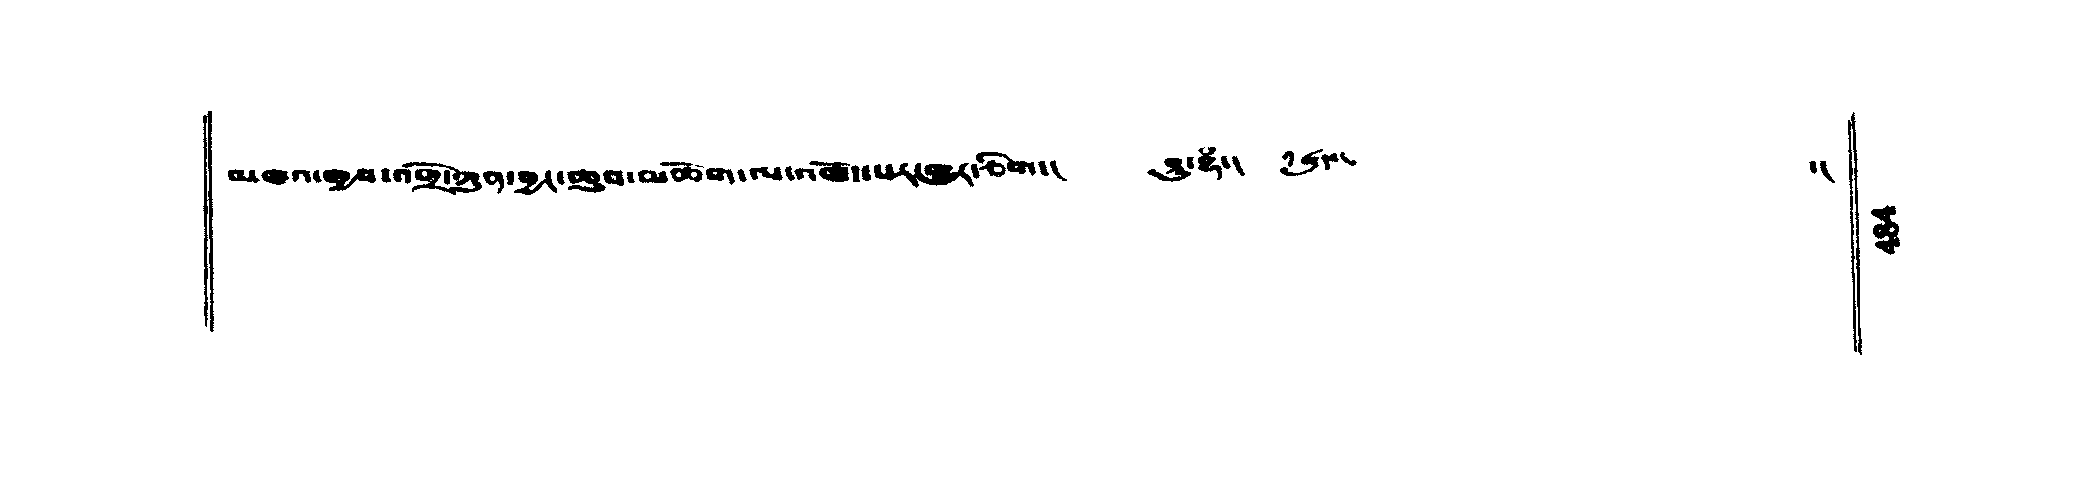མཁའ་ཁྱབ་འགྲོ་ཀུན་བྱང་ཆུབ་མཆོག་ལ་འཁོད་པར་གྱུར་ཅིག་ཤུ་བྷཾ།